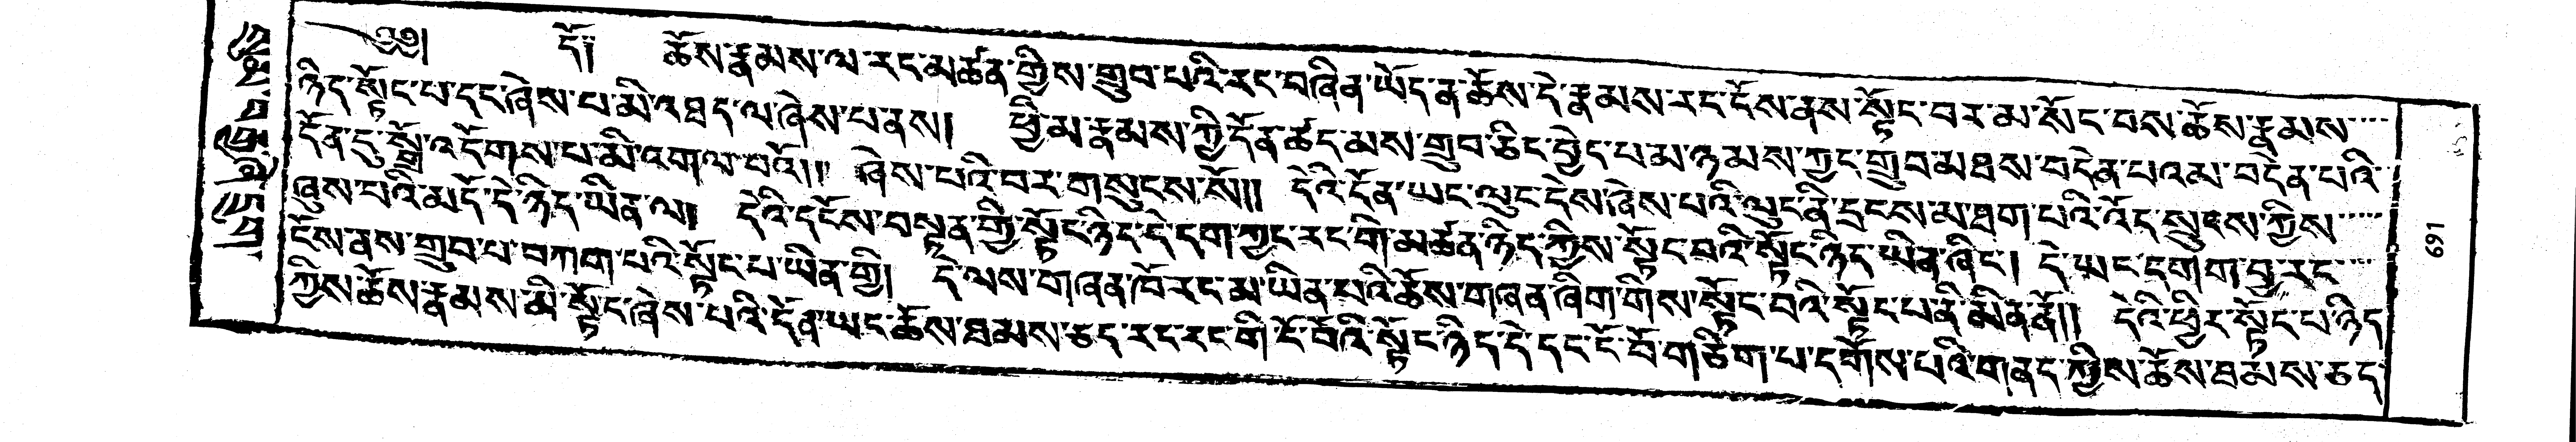༄༅། །དོ༑ ཆོས་རྣམས་ལ་རང་མཚན་གྱིས་གྲུབ་པའི་རང་བཞིན་ཡོད་ན་ཆོས་དེ་རྣམས་རང་ངོས་ནས་སྟོང་བར་མ་སོང་བས་ཆོས་རྣམས་
ཉིད་སྟོང་པ་དང་ཞེས་པ་མི་འཐད་ལ་ཞེས་པ་ནས། ཕྱི་མ་རྣམས་ཀྱི་དོན་ཚད་མས་གྲུབ་ཅིང་བྱེད་པ་མ་ཉམས་ཀྱང་གྲུབ་མཐས་བདེན་པའམ་བདེན་པའི་
དོན་དུ་སྒྲོ་འདོགས་པ་མི་འགལ་བའོ།། ཞེས་པའི་བར་གསུངས་སོ།། དེའི་དོན་ཡང་ལུང་དེས་ཞེས་པའི་ལུང་ནི་དྲངས་མ་ཐག་པའི་འོད་སྲུངས་ཀྱིས་
ཞུས་པའི་མདོ་དེ་ཉིད་ཡིན་ལ། དེའི་དངོས་བསྟན་གྱི་སྟོང་ཉིད་དེ་དག་ཀྱང་རང་གི་མཚན་ཉིད་ཀྱིས་སྟོང་བའི་སྟོང་ཉིད་ཡིན་ཞིང་། དེ་ཡང་དགག་བྱ་རང་
ངོས་ནས་གྲུབ་པ་བཀག་པའི་སྟོང་པ་ཡིན་གྱི། དེ་ལས་གཞན་ཁོ་རང་མ་ཡིན་པའི་ཆོས་གཞན་ཞིག་གིས་སྟོང་བའི་སྟོང་པ་ནི་མིན་ནོ།། དེའི་ཕྱིར་སྟོང་པ་ཉིད་
ཀྱིས་ཆོས་རྣམས་མི་སྟོང་ཞེས་པའི་དོན་ཡང་ཆོས་ཐམས་ཅད་རང་རང་གི་ངོ་བོའི་སྟོང་ཉིད་དེ་དང་ངོ་བོ་གཅིག་པ་དགོས་པའི་གནད་ཀྱིས་ཆོས་ཐམས་ཅད་